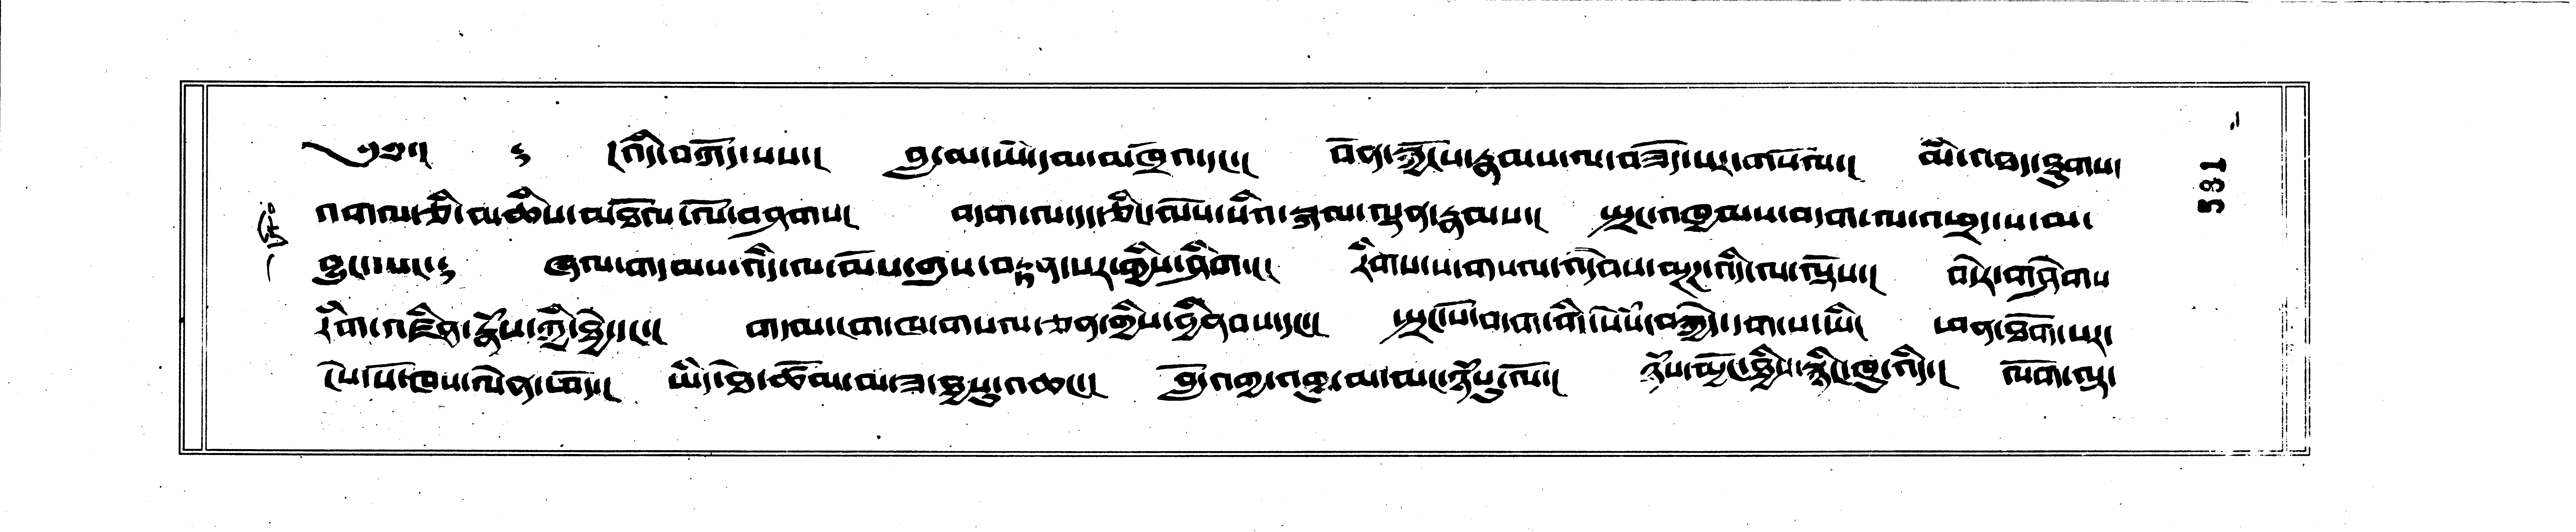འདི་བཀོད་པས། བླ་མ་ཡི་དམ་མཁའ་འགྲོ་དང་། བོན་སྐྱོང་རྣམས་ལ་བཟོད་པར་གསོལ། མི་འཐད་ཐུགས་
འགལ་ཅི་མཆིས་མཐོལ་ལོ་བཤགས། བདག་ལ་དད་ཅིང་མོས་པའི་སྐལ་ལྡན་རྣམས། སྤྲང་འཁྱམས་བདག་ལ་འཕྲད་པ་མ་
བྱུང་ཡང་། ཞལ་གདམ་འདི་ལ་མོས་གུས་བརྟན་པར་གྱིས་ཤིག རིག་པ་གསལ་འདེབས་མན་ངག་འདི་ལ་ལྟོས། བདེར་གཤེགས་
རིག་འཛིན་རྣམས་ཀྱི་ཐུགས་རྗེས་དང་། གདམ་ངག་ཁ་གསལ་ཅན་གྱི་བྱིན་རླབས་དང་། སྤྲང་པོ་བདག་གིས་སེམས་བསྐྱེད་དག་པ་ཡི། ཕན་ཐོག་པར་
ངེས་སོ་ཁས་ལེན་ཕོད། ཡིད་ཐེ་ཚོམ་མ་ཟ་ཐུགས་སུ་འཆོང་། བློ་འགྱ་འགྱུ་མ་མང་ཉམས་སུ་ལོང་། ཉམས་མྱོང་ཐུགས་ཀྱི་སྙིང་༼ཁུ༽འདི། ལོག་ལྟ་